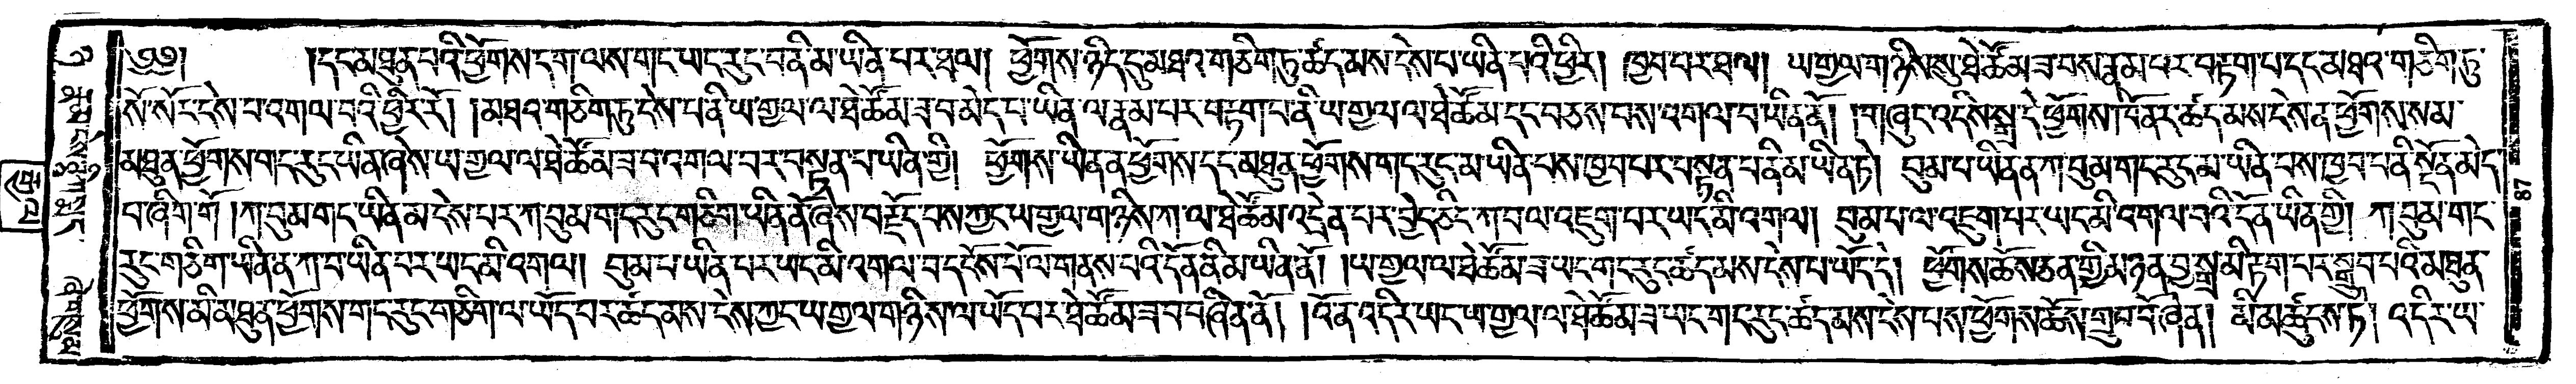༄༅། །དང་མཐུན་པའི་ཕྱོགས་དག་ལས་གང་ཡང་རུང་བ་ནི་མ་ཡིན་པར་ཐལ། ཕྱོགས་ཉིད་དུ་མཐའ་གཅིག་ཏུ་ཚད་མས་དེས་པ་ཡིན་པའི་ཕྱིར། ཁྱག་པར་ཐལ། ཡ་གྱལ་གཉིས་སུ་ཐེ་ཚོམ་ཟ་བས་རྣམ་པར་བརྟག་པ་དང་མཐའ་གཅིག་ཏུ་
སོ་སོར་ངེས་པ་འགལ་བའི་ཕྱིར་རོ། །མཐའ་གཅིག་ཏུ་ངེས་པ་ནི་ཡ་གྱལ་ལ་ཐེ་ཚོམ་ཟ་བ་མེད་པ་ཡིན་ལ་རྣམ་པར་བརྟག་པ་ནི་ཡ་གྱལ་ལ་ཐེ་ཚོམ་དང་བཅས་པས་འགལ་བ་ཡིན་ནོ། །གཞུང་འདིས་སྒྲ་དེ་ཕྱོགས་ཁོ་ནར་ཚད་མས་ངེས་ན་ཕྱོགས་སམ་
མཐུན་ཕྱོགས་གང་རུང་ཡིན་ཞེས་ཡ་གྱལ་ལ་ཐེ་ཚོམ་ཟ་བ་འགལ་བར་བསྟན་པ་ཡིན་གྱི། ཕྱོགས་ཡིན་ན་ཕྱོགས་དང་མཐུན་ཕྱོགས་གང་རུང་མ་ཡིན་པས་ཁྱབ་པར་བསྟན་པ་ནི་མ་ཡིན་ཏེ། བུམ་པ་ཡིན་ན་ཀ་བུམ་གང་རུང་མ་ཡིན་པས་ཁྱབ་པ་ནི་སྔོན་མེད་
པ་ཞིག་གོ །ཀ་བུམ་གང་ཡིན་མ་ངེས་པར་ཀ་བུམ་གང་རུང་གཅིག་ཡིན་ནོ་ཞེས་བརྗོད་པས་ཀྱང་ཡ་གྱལ་གཉིས་ཀ་ལ་ཐེ་ཚོམ་འདྲེན་པར་བྱེད་ཅིང་ཀ་བ་ལ་འཇུག་པར་ཡང་མི་འགལ། བུམ་པ་ལ་འཇུག་པར་ཡང་མི་འགལ་བའི་དོན་ཡིན་གྱི། ཀ་བུམ་གང་
རུང་གཅིག་ཡིན་ན་ཀ་བ་ཡིན་པར་ཡང་མི་འགལ། བུམ་པ་ཡིན་པར་ཡང་མི་འགལ་བ་དངོས་པོ་ལ་གནས་པའི་དོན་ནི་མ་ཡིན་ནོ། །ཡ་གྱལ་ལ་ཐེ་ཚོམ་ཟ་ཡང་གང་རུང་ཚད་མས་ངེས་པ་ཡོད་དེ། ཕྱོགས་ཆོས་ཅན་གྱི་མཉན་བྱ་སྒྲ་མི་རྟག་པར་སྒྲུབ་པའི་མཐུན་
ཕྱོགས་མི་མཐུན་ཕྱོགས་གང་རུང་གཅིག་ལ་ཡོད་བར་ཚད་མས་ངེས་ཀྱང་ཡ་གྱལ་གཉིས་ལ་ཡོད་བར་ཐེ་ཚོམ་ཟ་བ་བཞིན་ནོ། །འོ་ན་འདིར་ཡང་ཡ་གྱལ་ལ་ཐེ་ཚོམ་ཟ་ཡང་གང་རུང་ཚད་མས་ངེས་པས་ཕྱོགས་ཆོས་གྲུབ་བོ་ཞེ་ན། མི་མཚུངས་ཏེ། འདིར་ཡ་